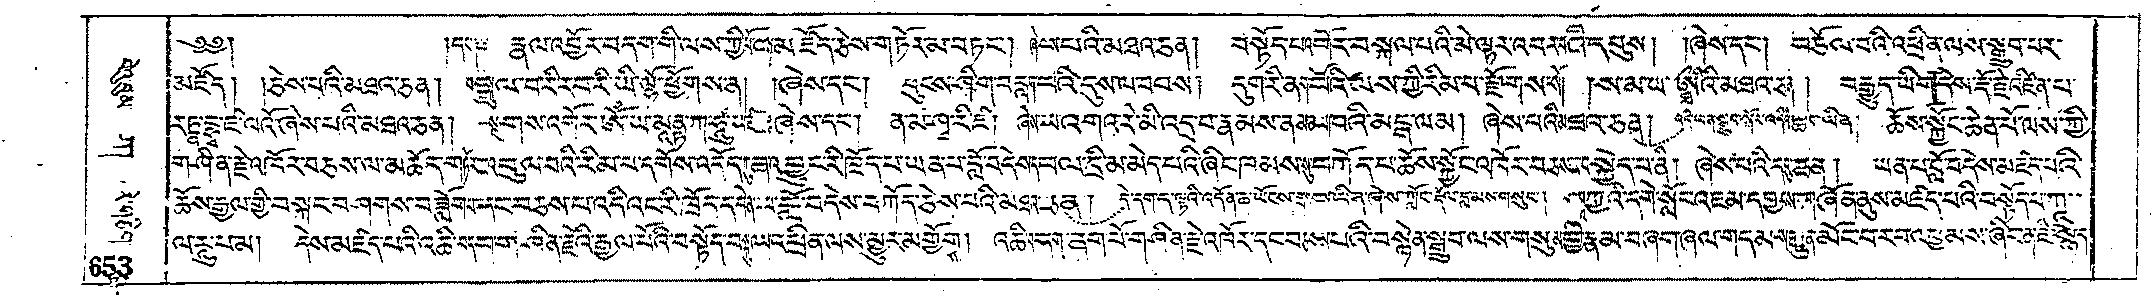༄༅། །དང༑ རྣལ་འབྱོར་བདག་གི་ལས་ཀྱི་ཕོ་ཉ་མཛོད་ཅེས་གཏོར་མ་བཏང་། ཞེས་པའི་མཐའ་ཅན། བསྟོད་པ་འགོར་བསྐལ་པའི་མེ་ལྟར་འབར་བའི་དབུས། །ཞེས་དང་། བཅོལ་བའི་འཕྲིན་ལས་སྒྲུབ་པར་
མཛོད། །ཅེས་པའི་མཐའ་ཅན། བསྐུལ་བ་རི་རབ་རི་ཡི་ལྷོ་ཕྱོགས་ན། །ཞེས་དང་། ཕུངས་ཤིག་བརླག་པའི་དུ་ས་ལ་བབས། དུག་རི་ནག་པོའི་ལས་ཀྱི་རིམ་པ་རྫོགས་སོ། །ས་མ་ཡ་ཨྀཐའི་མཐའ་ཅན། བརྒྱུད་ཡིག་དེས་རྡོ་རྗེ་འཛིན་པ་
རཏྣ་དྷྭ་ཛ་ལའོ་ཞེས་པའི་མཐའ་ཅན། སྔགས་འགོར་ཨོཾ་ཡ་མཱནྟ་ཀ་ཧཱུཾ་ཡ་ཛཿཞེས་དང་། ན་མ་ཤྭ་རི་ཛ། ཞེས་པ་འགའ་རི་མི་འདྲ་བ་རྣམས་ནམ་མཁའི་མངྒ་ལམ། ཞེས་པའི་མཐའ་ཅན་འདི་ཡན་སྒྲུབ་སྐོར་འདིའི་རྩ་བ་ཡིན།  ཆོས་སྐྱོང་ཆེན་པོ་ལས་ཀྱི་
གཤིན་རྗེ་འཁོར་བཅས་ལ་མཆོད་གཏོར་འབུལ་བའི་རིམ་པ་དགོས་འདོད་ཀུན་འབྱུང་རི་ཁྲོད་པ་ཡན་པ་བློ་བདེས་དཔལ་དྲི་མ་མེད་པའི་ཞིང་ཁམས་སུ་བཀོད་པ་ཆོས་སྐྱོང་འཁོར་བཅས་བསྐྱེད་པ་ནི། ཞེས་པའི་དབུ་ཅན། ཡན་པ་བློ་བདེས་མཛད་པའི་
ཆོས་རྒྱལ་གྱི་བསྐང་བཤགས་བཟློག་པ་དང་བཅས་པ་འདིའང་རི་ཁྲོད་དབེན་པ་བློ་བདེས་བཀོད་ཅེས་པའི་མཐའ་ཅན་དེ་དག་ད་ལྟའི་འདོན་ཆ་ཡོངས་གྲགས་ཡིན་ཞེས་ཀློང་རྡོལ་བླ་མས་གསུང་།  ཤཱཀྱའི་དགེ་སློང་འཇམ་དབྱངས་གཞོན་ནུས་མཛད་པའི་བསྟོད་པ་ཀཱ་
ལ་རཱུ་པ་མ། དེས་མཛད་པའི་འཆི་བདག་གཤིན་རྗེའི་རྒྱལ་པོའི་བསྟོད་བསྐུལ་འཕྲིན་ལས་མྱུར་མགྱོགས། འཆི་བདག་ནག་པོ་གཤིན་རྗེ་འཁོར་དང་བཅས་པའི་བསྙེན་སྒྲུབ་ལས་གསུམ་གྱི་རྣམ་བཞག་ཞལ་གདམས་ཐུན་མོང་བ་རབ་འབྱམས་ཞིང་ན་ཇི་སྙེད་